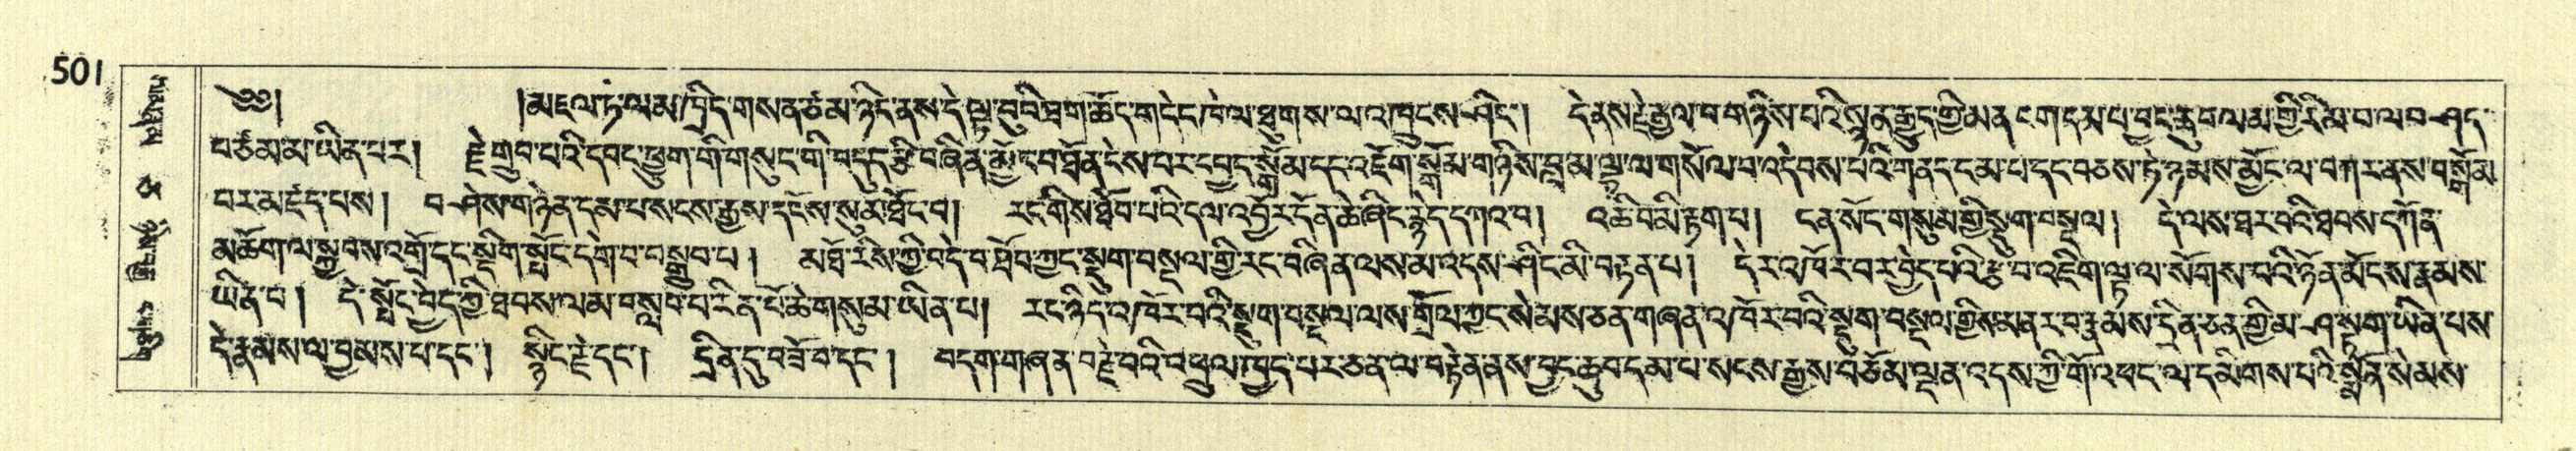༄༅། །མཇལ་ཏེ་ལམ་ཁྲིད་གསན་ཙམ་ཉིད་ནས་དེ་ལྟ་བུའི་ཐག་ཆོད་གདེང་ཁེལ་ཐུགས་ལ་འཁྲུངས་ཤིང་། དེ་ནས་རྗེ་རྒྱལ་བ་གཉིས་བའི་སྙན་རྒྱུད་གྱི་མན་ངག་དམ་པ་བྱང་ཆུབ་ལམ་གྱི་རིམ་པ་ལ་བཤད་
བ་ཙམ་མ་ཡིན་པར། རྗེ་གྲུབ་པའི་དབང་ཕྱུག་གི་གསུང་གི་བདུད་རྩི་བཞིན་མྱོང་བ་ཐོན་ངེས་བར་དཔྱད་སྒོམ་དང་འཇོག་སྒོམ་གཉིས་བླ་མ་ལྷ་ལ་གསོལ་བ་འདེབས་པའི་གནད་དམ་པ་དང་བཅས་ཏེ་ཉམས་མྱོང་ལ་བཀར་ནས་བསྒོམ་
བར་མཛད་པས། བཤེས་གཉེན་དམ་པ་སངས་རྒྱས་དངོས་སུ་མཐོང་པ། རང་གིས་ཐོབ་པའི་དལ་འབྱོར་དོན་ཆེ་ཞིང་རྙེད་དཀའ་བ། འཆི་བ་མི་རྟག་པ། ངན་སོང་གསུམ་གྱི་སྡུག་བསྔལ། དེ་ལས་ཐར་བའི་ཐབས་དཀོན་
མཆོག་ལ་སྐྱབས་འགྲོ་དང་སྡིག་སྤོང་དགེ་བ་བསྒྲུབ་པ། མཐོ་རིས་ཀྱི་བདེ་བ་ཐོབ་ཀྱང་སྡུག་བསྔལ་གྱི་རང་བཞིན་ལས་མ་འདས་ཤིང་མི་བརྟན་པ། དེར་འཁོར་བར་བྱེད་པའི་རྩ་བ་འཇིག་ལྟ་ལ་སོགས་པའི་ཉོན་མོངས་རྣམས་
ཡིན་པ། དེ་སྤོང་བྱེད་ཀྱི་ཐབས་ལམ་བསླབ་པ་རིན་པོ་ཆེ་གསུམ་ཡིན་པ། རང་ཉིད་འཁོར་བའི་སྡུག་བསྔལ་ལས་འགྲོལ་ཀྱང་སེམས་ཅན་གཞན་འཁོར་བའི་སྡུག་བསྔལ་གྱིས་མནར་བ་རྣམས་དྲིན་ཅན་གྱི་མ་ཤ་སྟག་ཡིན་པས་
དེ་རྣམས་ལ་བྱམས་པ་དང་། སྙིང་རྗེ་དང་། དྲིན་དུ་བཟོ་བ་དང་། བདག་གཞན་བརྗེ་བའི་འཕྲུལ་ཁྱད་པར་ཅན་ལ་བརྟེན་ནས་བྱང་ཆུབ་དམ་པ་སངས་རྒྱས་བཅོམ་ལྡན་འདས་ཀྱི་གོ་འཕང་ལ་དམིགས་པའི་སྨོན་སེམས་